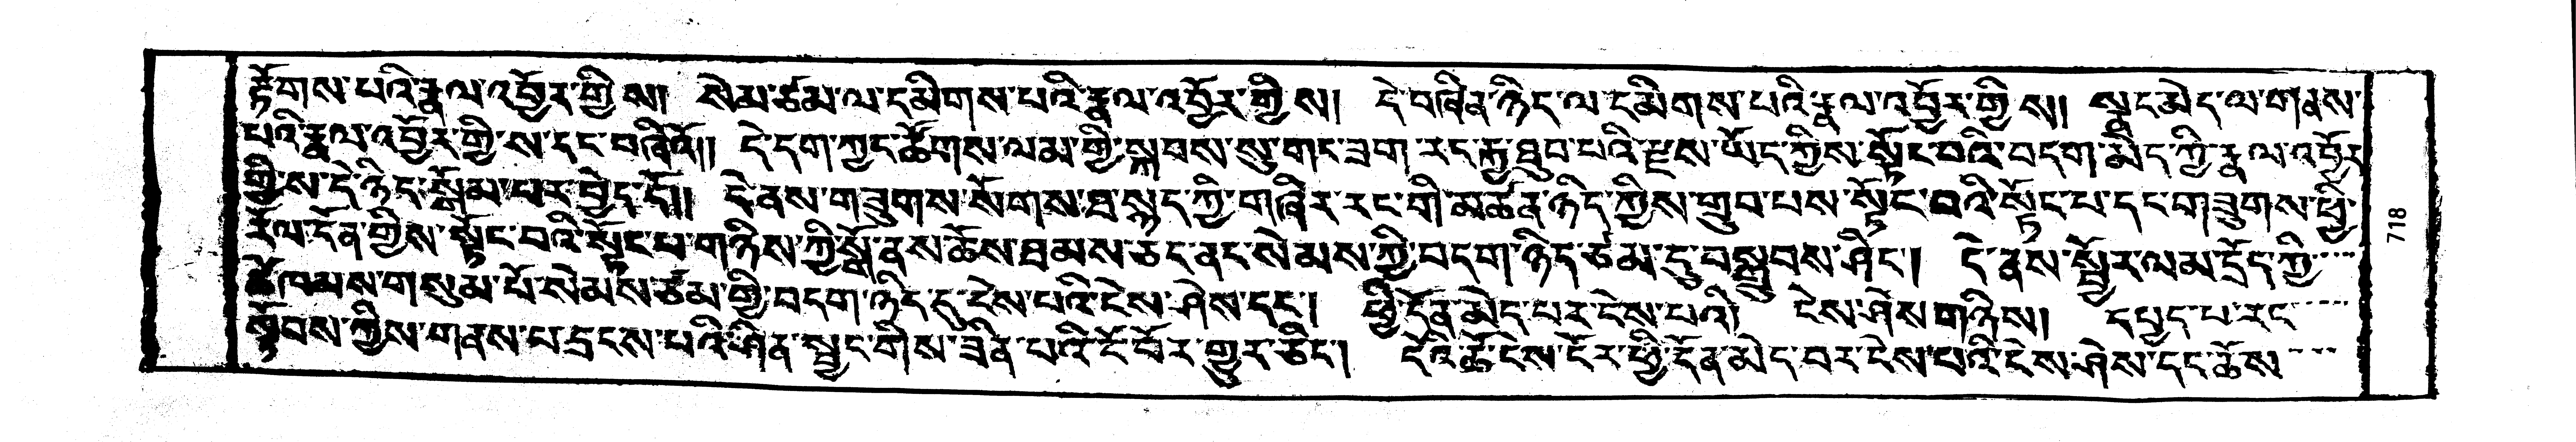རྟོགས་པའི་རྣལ་འབྱོར་གྱིས། སེམས་ཙམ་ལ་དམིགས་པའི་རྣལ་འབྱོར་གྱིས། དེ་བཞིན་ཉིད་ལ་དམིགས་པའི་རྣལ་འབྱོར་གྱིས། སྣང་མེད་ལ་གནས་
པའི་རྣལ་འབྱོར་གྱི་ས་དང་བཞིའོ། །དེ་དག་ཀྱང་ཚོགས་ལམ་གྱི་སྐབས་སུ་གང་ཟག་རང་རྐྱ་ཐུབ་པའི་རྫས་ཡོད་ཀྱིས་སྟོང་བའི་བདག་མེད་ཀྱི་རྣལ་འབྱོར་
གྱི་ས་དེ་ཉིད་སྒོམ་པར་བྱེད་དོ། །དེ་ནས་གཟུགས་སོགས་ཐ་སྙད་ཀྱི་གཞིར་རང་གི་མཚན་ཉིད་ཀྱིས་གྲུབ་པས་སྟོང་བའི་སྟོང་པ་དང་གཟུགས་ཕྱི་
རོལ་དོན་གྱིས་སྟོང་བའི་སྟོང་པ་གཉིས་ཀྱི་སྒོ་ནས་ཆོས་ཐམས་ཅད་ནང་སེམས་ཀྱི་བདག་ཉིད་ཙམ་དུ་བསྒྲུབས་ཤིང་། དེ་ནས་སྦྱོར་ལམ་དྲོད་ཀྱི་
ཚེ་ཁམས་གསུམ་པོ་སེམས་ཙམ་གྱི་བདག་ཉིད་དུ་ངེས་པའི་ངེས་ཤེས་དང་། ཕྱི་དོན་མེད་པར་ངེས་པའི། ངེས་ཤེས་གཉིས། དཔྱད་པ་རང་
སྟོབས་ཀྱིས་གནས་པ་དྲངས་པའི་ཤིན་སྦྱང་གིས་ཟིན་པའི་ངོ་བོར་གྱུར་ཅིང་། དེའི་ཆོ་ངེས་ངོར་ཕྱི་དོན་མེད་པར་ངེས་པའི་ངེས་ཤེས་དང་ཆོས་